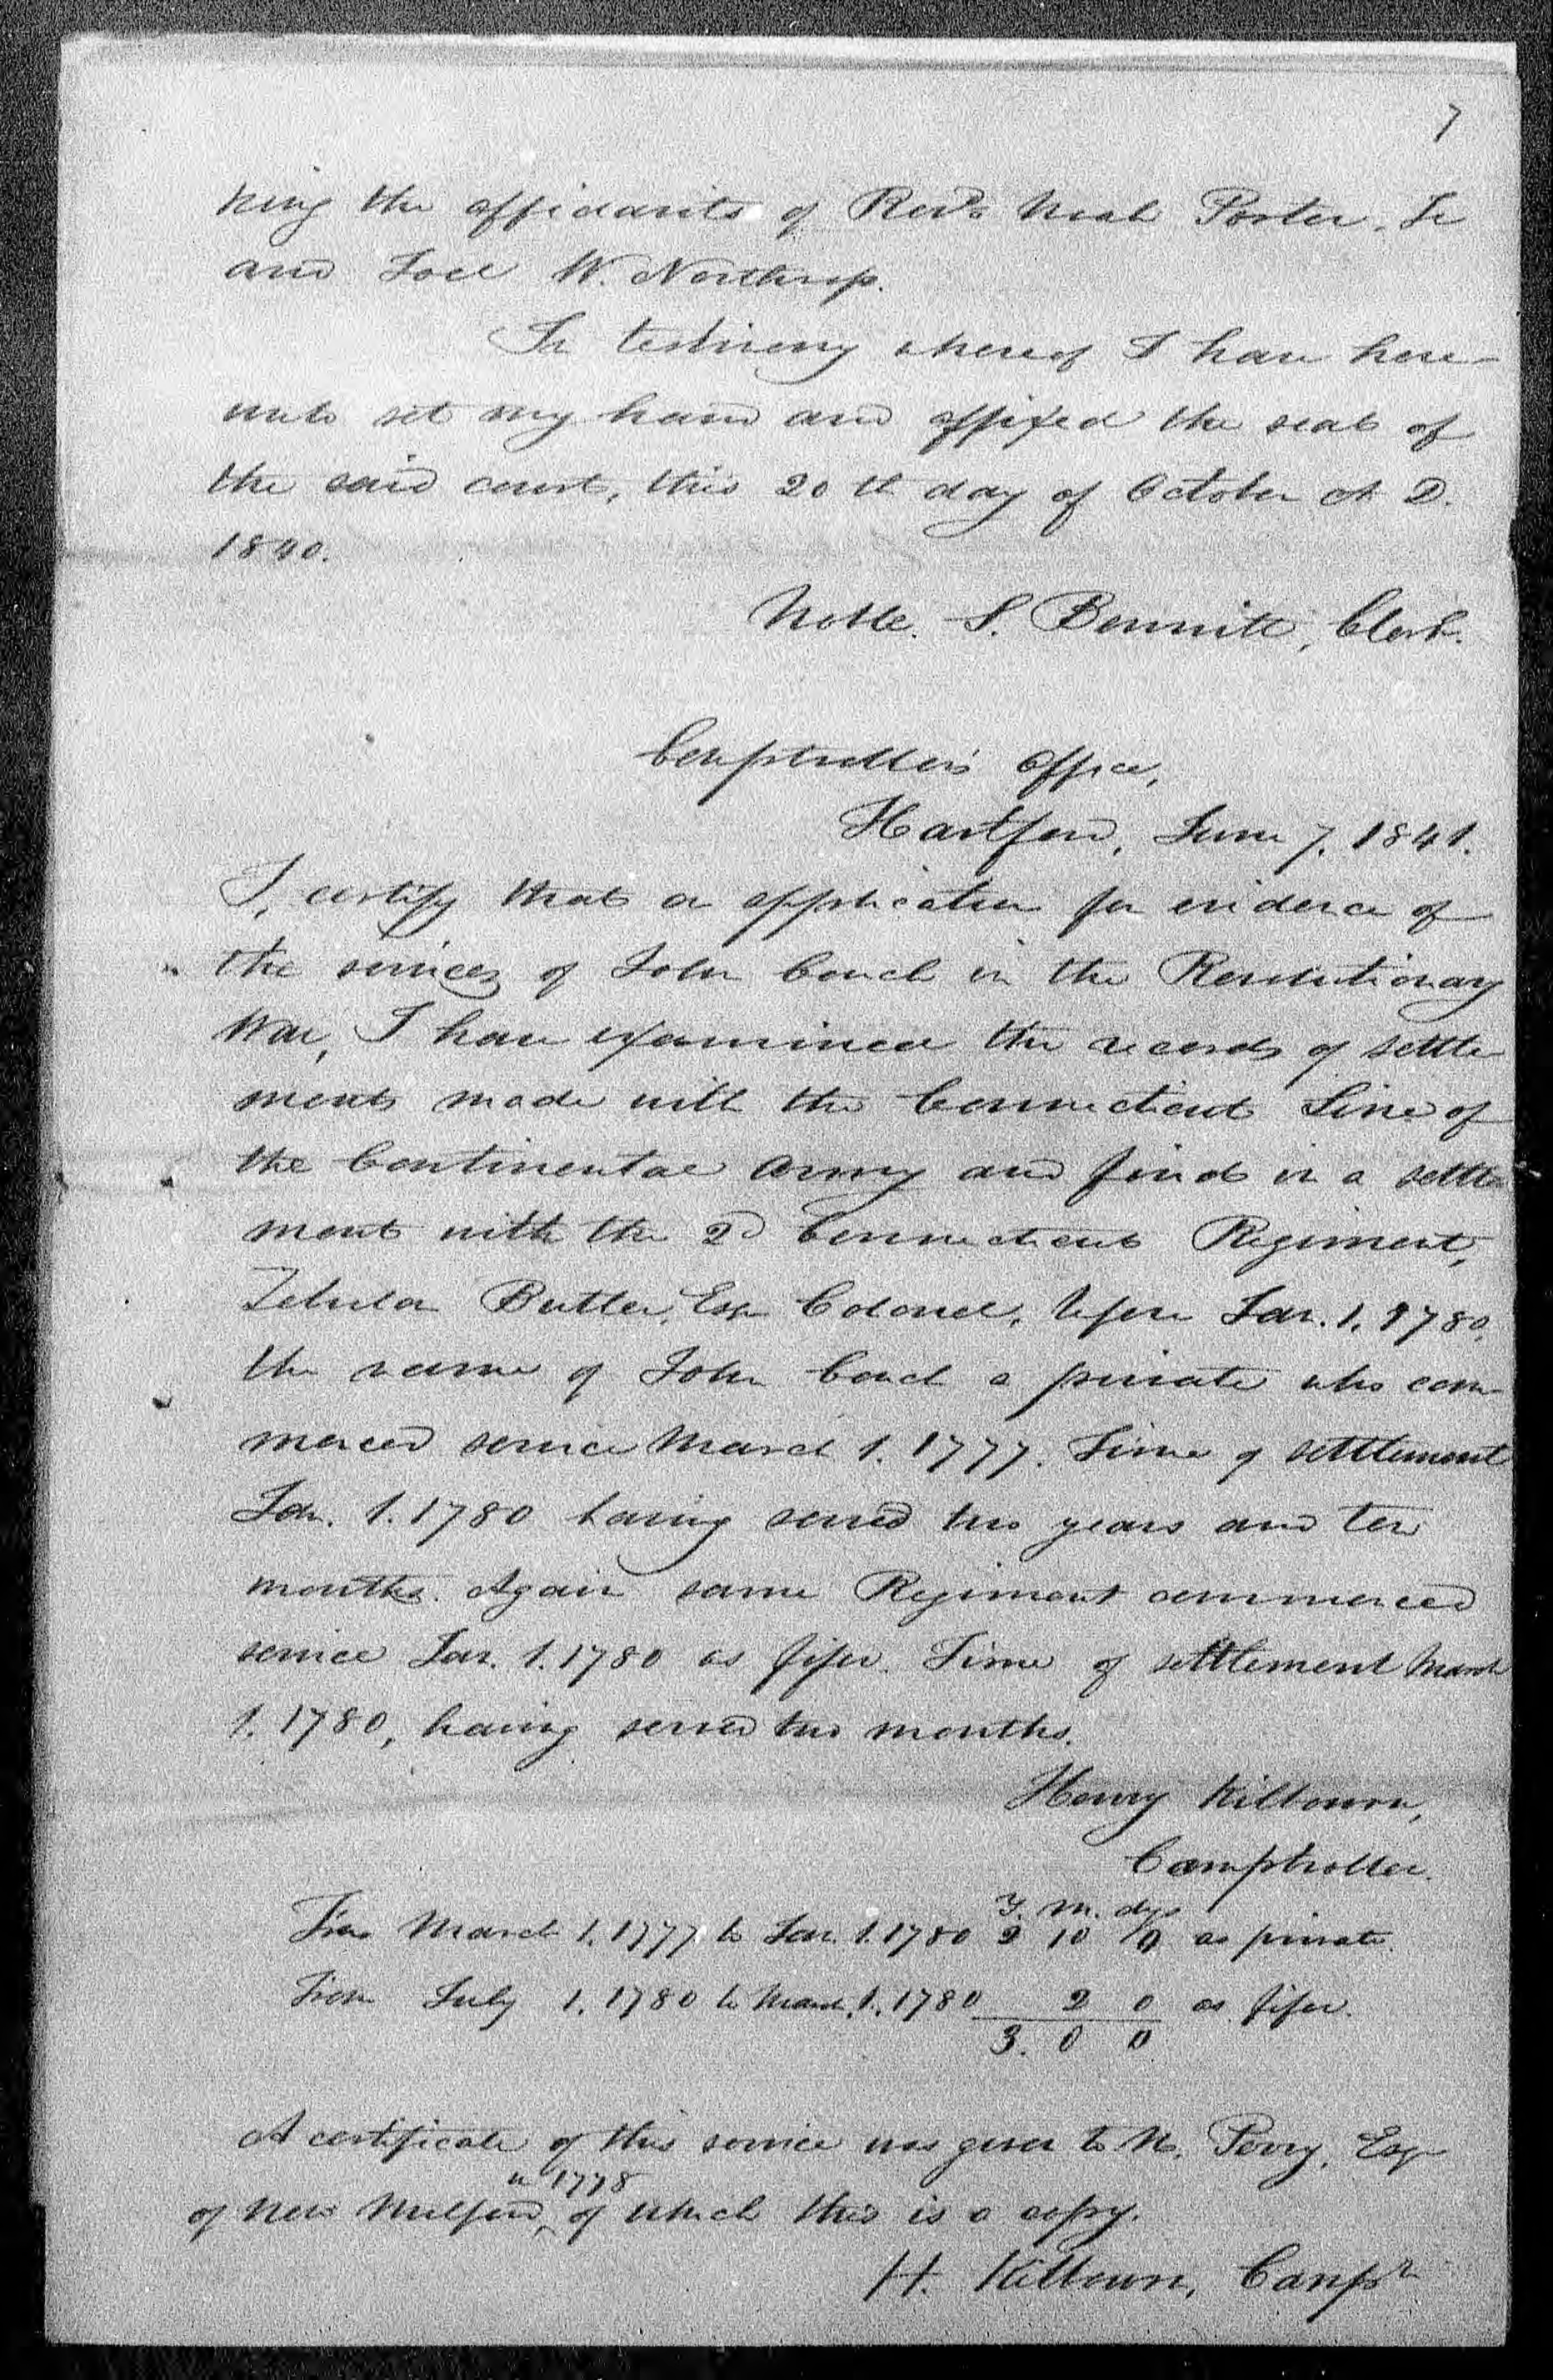king the affidavits of Revd Neal Porter Jr and Joel W Northrop.
In testimony whereof I have hereunto set my hand and affixed the seal of the said court, this 20th day of October AD 1840.
Noble S Bennett, Clerk


Comptroller's Officer
Hartford June 7, 1841
I certify that an application for evidence of the services of John Couch in the Revolutionary War, I have examined the records of settlements made with the Connecticut Line of the Continental army and find in a settlement with the 2d Connecticut Regiment, Zebulon Butler, Esq Colonel, before Jan. 1, 1780, the name of John Couch a private who commenced service March 1, 1777. Time of the settlement Jan. 1, 1780 having served two years and ten months. Again same Regiment commenced service Jan. 1, 1780 as fifer. Time of settlement March 1, 1780, having served two months.
Henry Kilbourn
Comptroller
From March 1, 1777 to Jan. 1, 1780 3(y) 10(m) 0(dys) as private
From July 1, 1780 to March 1, 1780  2(m) 0(dy) as fifer
                                            39(yr) 0(m) 0(dy)

A certificate of the service was given to M. Perry, Esq of New Milford in 1778 of which this is a copy.
H. Kilbourn Compt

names: Noble S Bennitt, Zebulon Butler, Usen, H Kilbourn, Joel W Northrop, Henry Kilbourn, Noah Porter, John Couch, N Perry, John Couch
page: 8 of 68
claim: rejected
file: R. 2,360, John Couch, Conn.